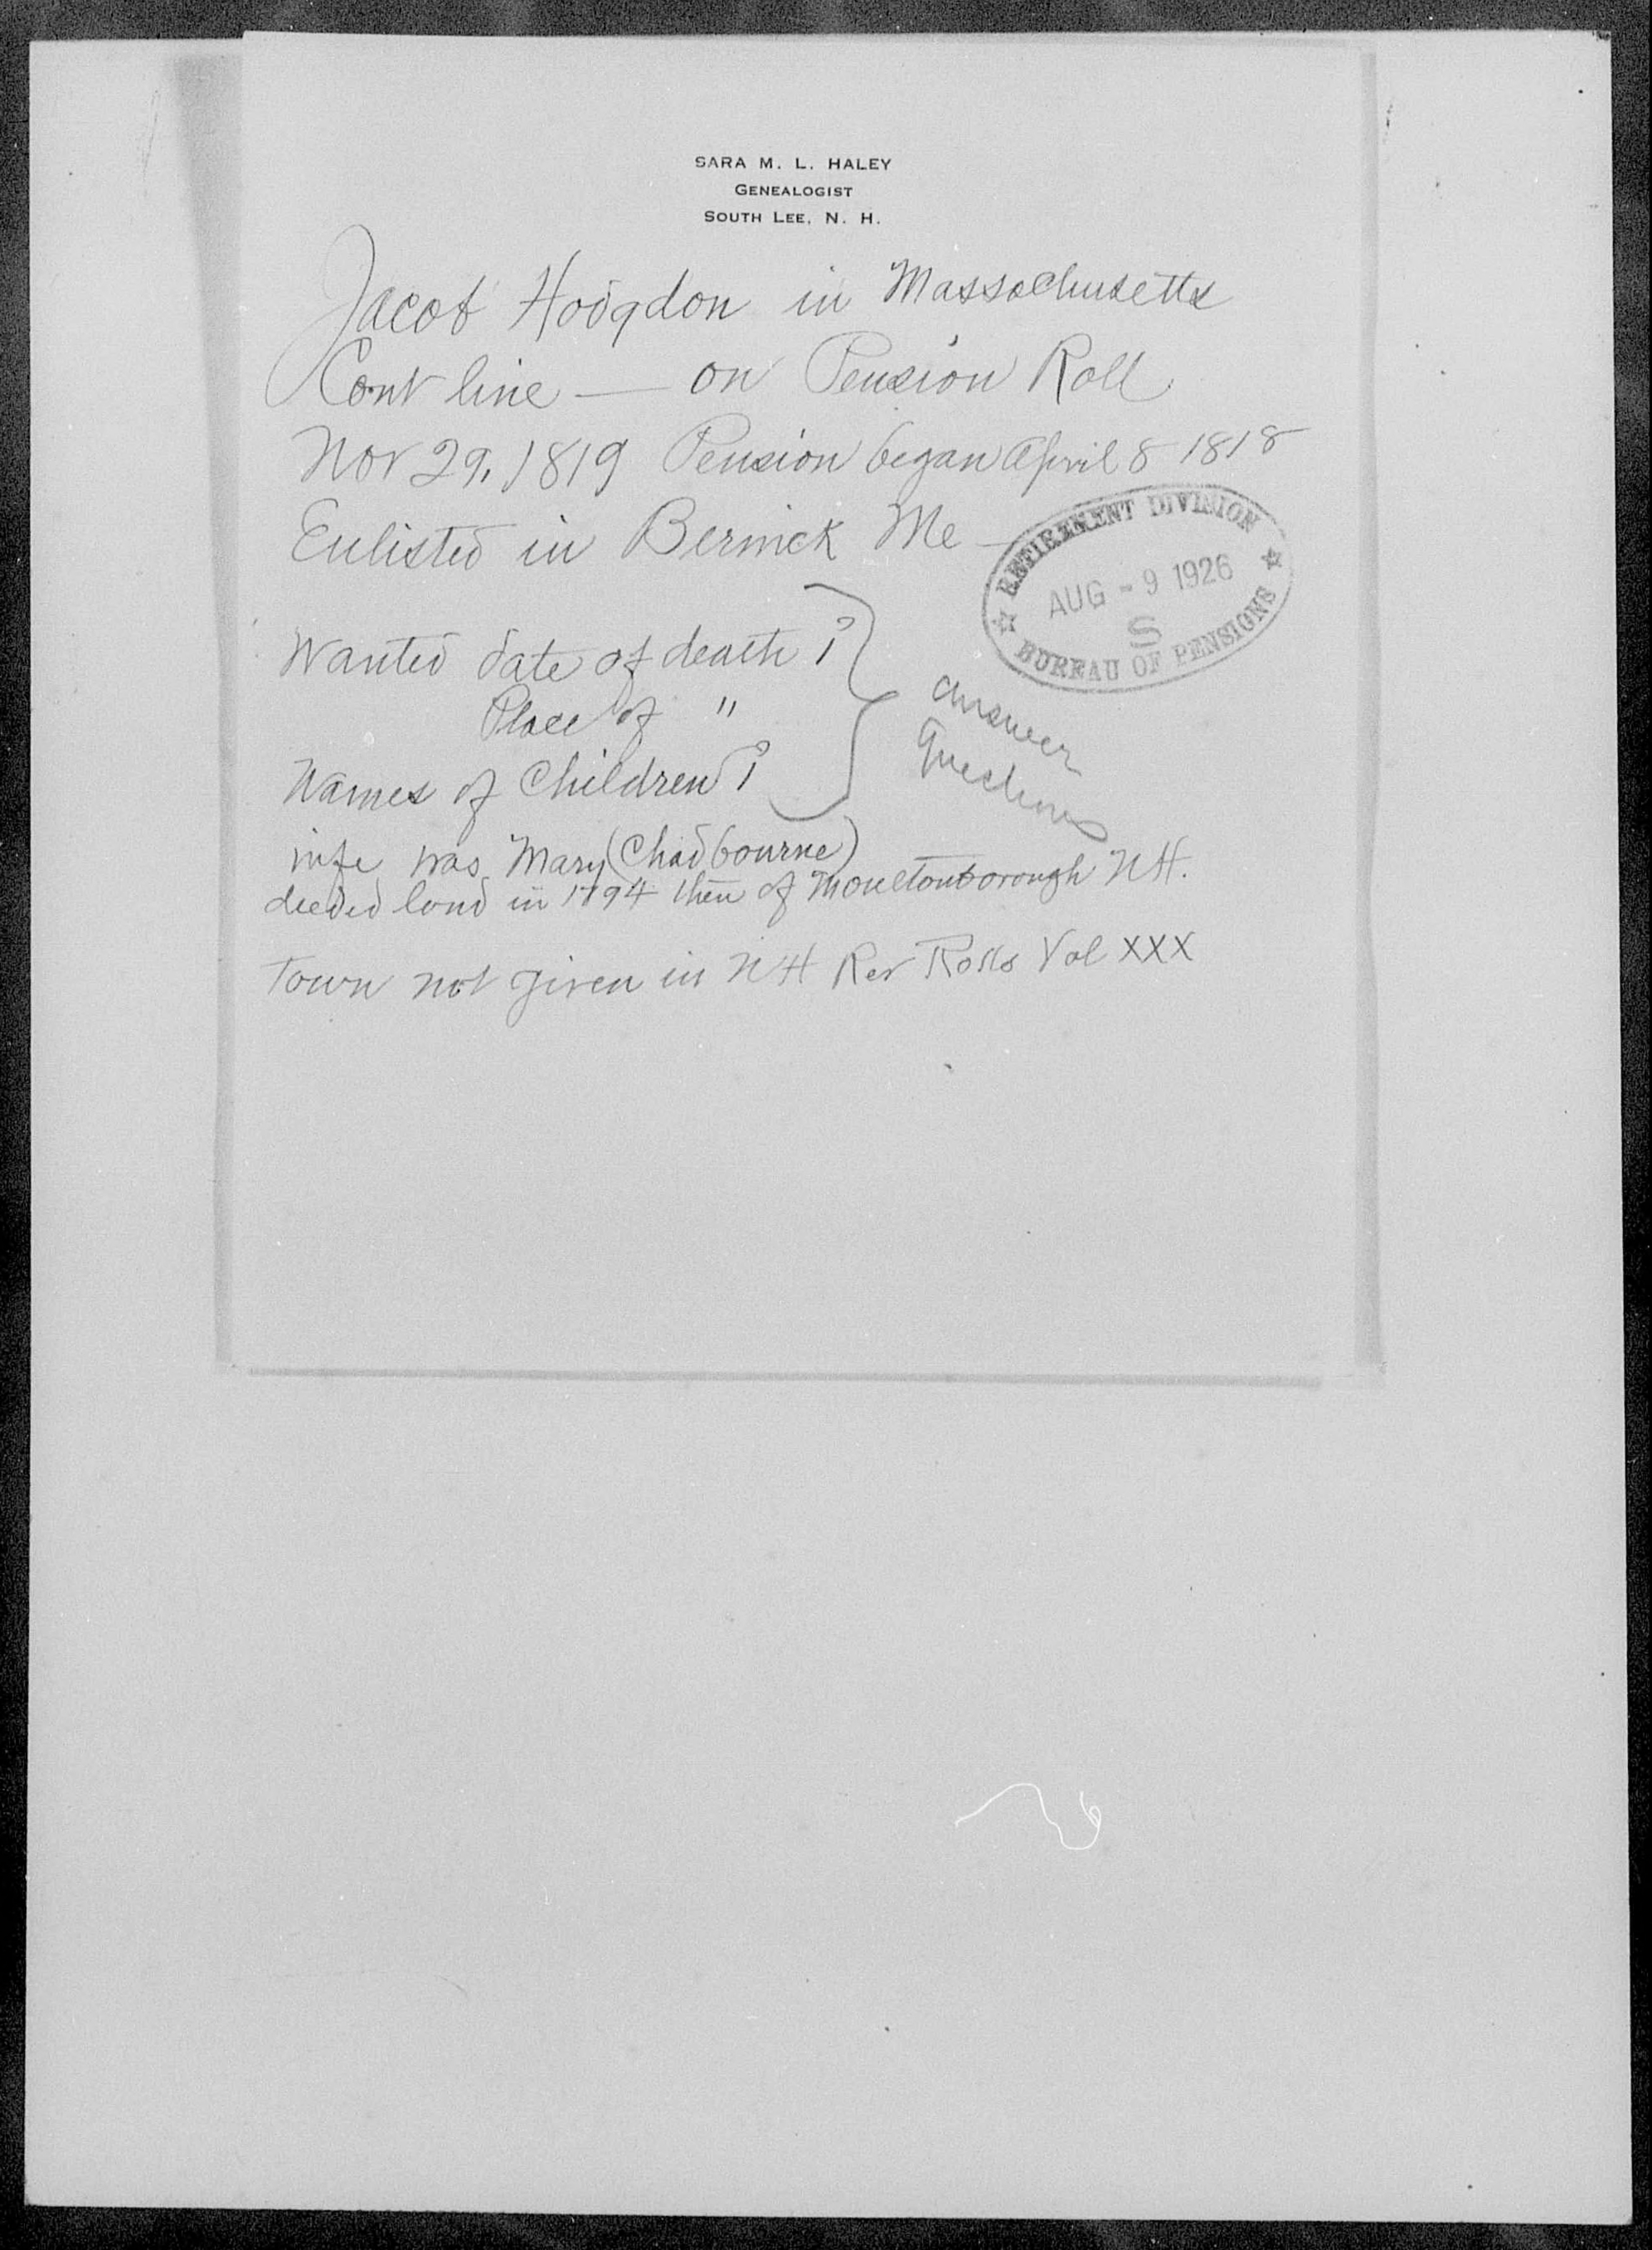Sara M.L. Haley
Genealogist
South Lee, N.H. 

Jacob Hodgon in Massachusetts Cont line - on Pension Roll  Nov 29, 1819 Pension began April 8 1818
Enlisted in Berwick, Me

[Stamp - Retirement Division  Aug 9 1926 Bureau of Pensions]
Wanted date of death? 
Place of death
Names of Children?
Answer questions

wife was Mary (Chadbourne)
deeded land in 1794 then of Moultonborough N.H.

Tow not given in NH Rev Rolls Vol XXX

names: Sara M L Haley, Mary, Jacob Hodgdon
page: 22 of 22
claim: survivor's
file: S 44445, Jacob Hodsdon, Mass.